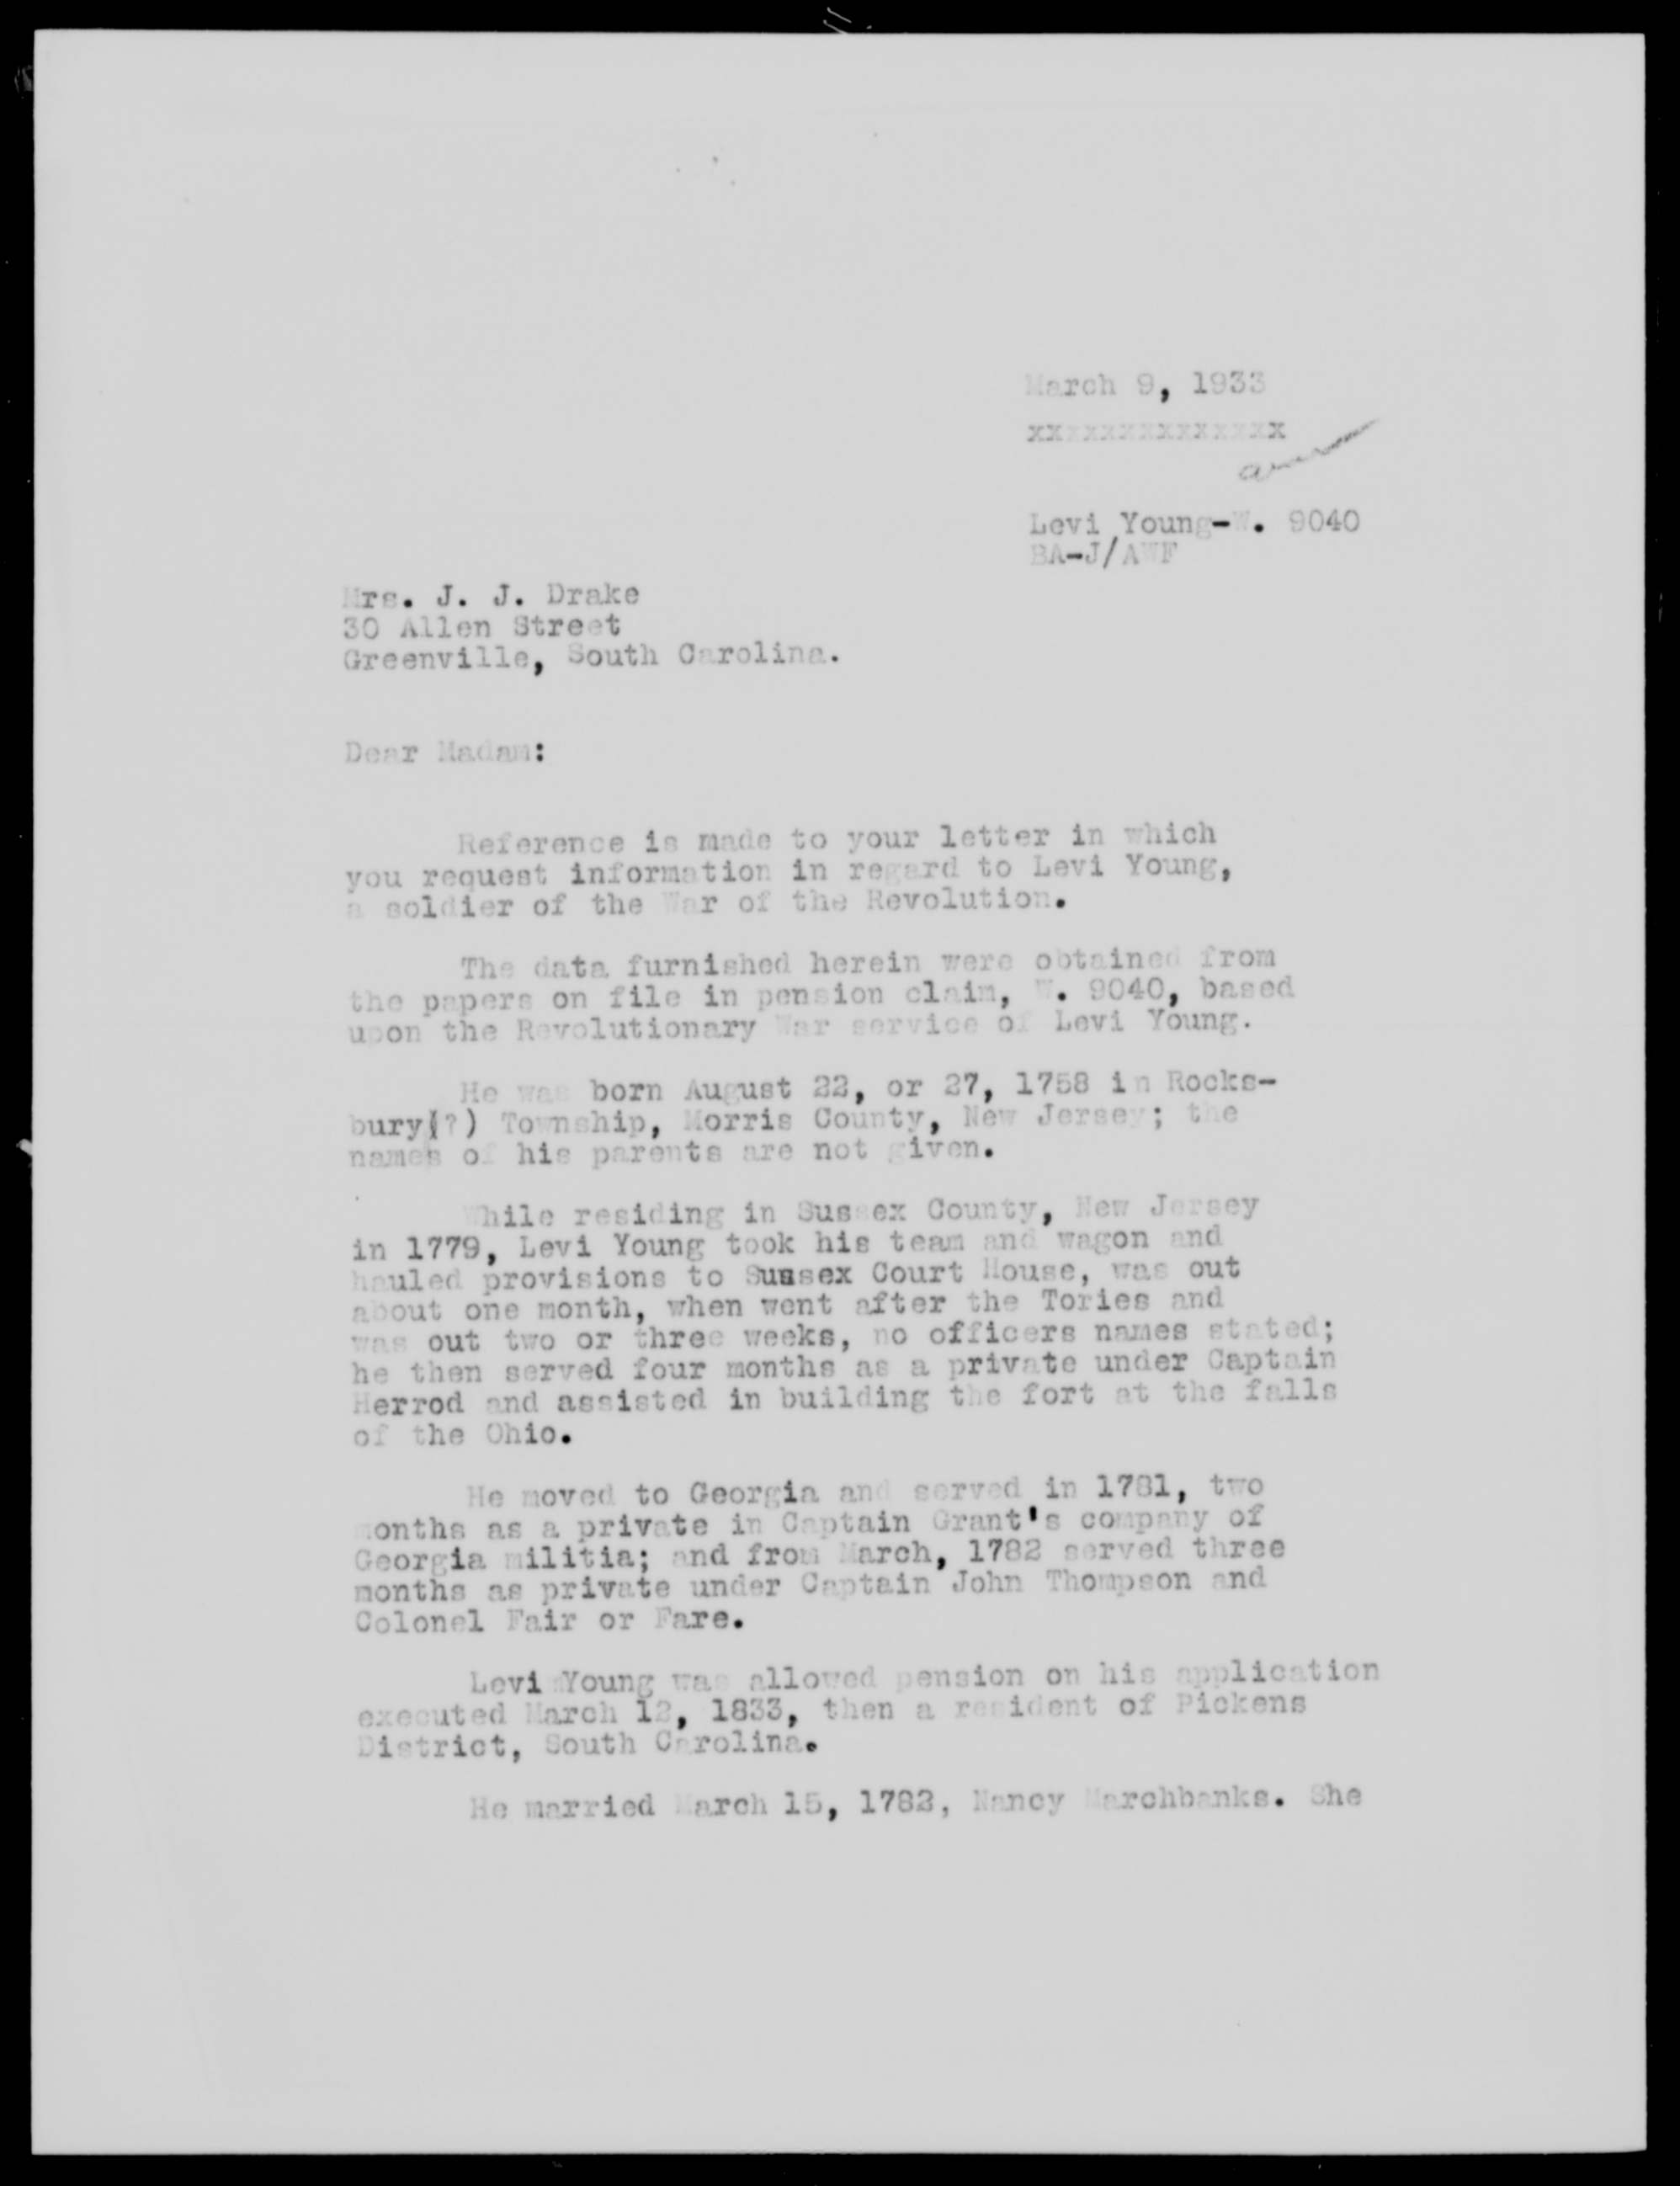March 9, 1933
XXXXXXXXXXXXX
(undecipherable hand written text)

Levi Young-W. 9040
BA-J/AWF

Mrs. J. J. Drake
30 Allen Street
Greenville, South Carolina.

Dear Madam:

     Reference is made to your letter in which
you request information in regard to Levi Young,
a soldier of the War of the Revolution.

     The data furnished herein were obtained from
the papers on file in pension claim, W. 9040, based
upon the Revolutionary War service of Levi Young.

     He was born August 22, 0r 27, 1758 in Rocks-
bury (?) Township, Morris County, New Jersey; the
names of his parents are not given.

     While residing in Sussex County, New Jersey
in 1779, Levi Young took his team and wagon and
hauled provisions to Sussex Court House, was out
about one month, when went after the Tories and
was out two or three weeks, no officers names stated;
he then served four months as a private under Captain
Herrod and assisted in building the fort at the falls
of the Ohio.

     He moved to Georgia and served in 1781, two
months as a private in Captain Grant's company of
Georgia militia; and from March, 1782 served three 
months as private under Captain John Thompson and
Colonel Fair or Fare. 

     Levi Young was allowed pension on his application
executed March 12, 1833, then a resident of Pickens
District, South Carolina.

     He married March 15, 1782, Nancy Marchbanks. She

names: Nancy Marchbanks, Fare, Fair, John Thompson, J J Drake, Herrod, Levi Young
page: 24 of 56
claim: widow's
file: W. 9040, Levi Young, Ga. New Jersey S.C.